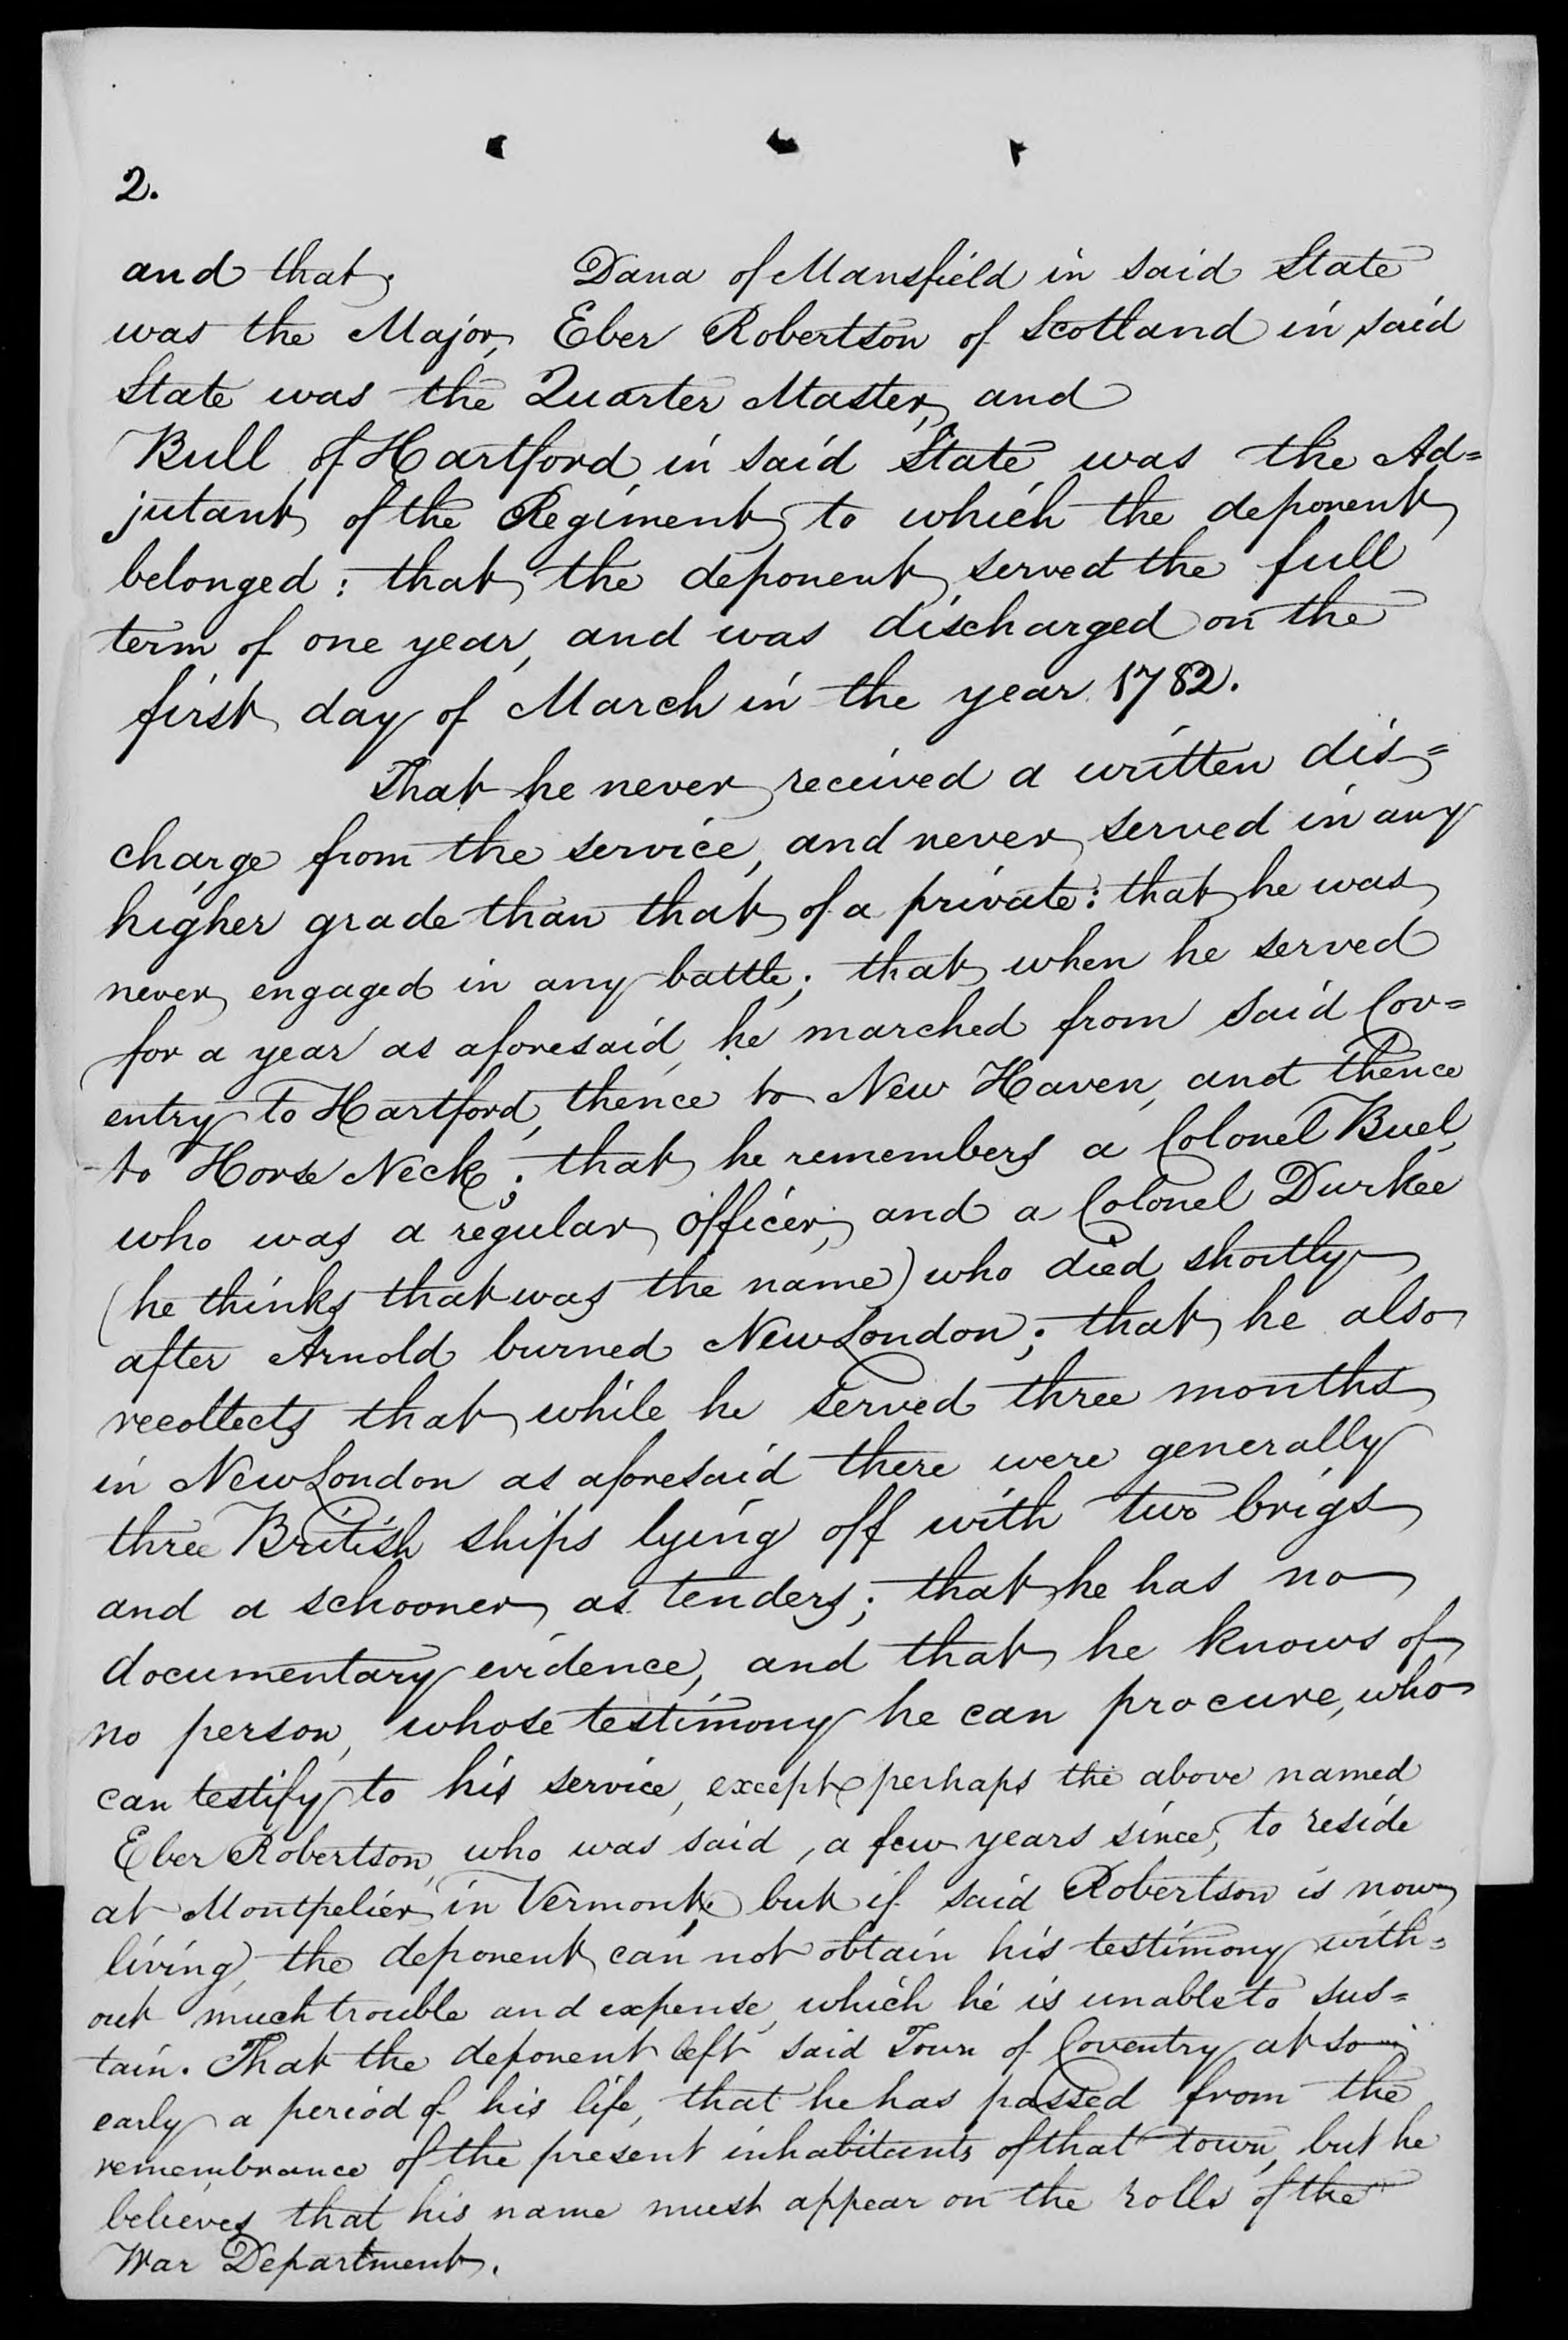2.
and that [blank spaces] Dana of Mansfield in said State was the Major . Eber Robertson of Scotland in said State was the Quarter Master, and Bull of Hartford in said State was the Adjutant of the Regiment to which the deponent belonged; that the deponent served the full term of one year, and was discharged on the first day of March in the year 1782. 

That he never received a written discharge from the service, and never served in any higher grade than that of a private; that he was never engaged in any battle; that when he served for a year as aforesaid, he marched from said Coventry to Hartford, thence to New Haven, and thence to Horse Neck; that he remembers a Colonel Buel who was a regular officer and a Colonel Durkee (he thinks that was the name) who died shortly after Arnold burned New London; that he also recollects that while he served three months in New London as aforesaid there were generally three British ships lying off with two brigs and a schooner as tenders; that he has no documentary evidence, and that he knows of no person, whose testimony he can procure, who can testify to his service, except perhaps the above named Eber Robertson who was said, a few years since, to reside at Montpelier in Vermont but if said Robertson is now living, the deponent can not obtain his testimony without much trouble and expense which he is unable to sustain. That the deponent left said Town of Coventry at so early a period of his life, that he has passed from the remembrance of the present inhabitants of that town, but he believes his name must appear on the rolls of the War Department.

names: Buel, Dana, Durkee, Robertson, Eber Robertson, Eber Robertson, Arnold, Bull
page: 6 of 50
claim: survivor's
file: S 10607, Jabez Edwards, Conn.